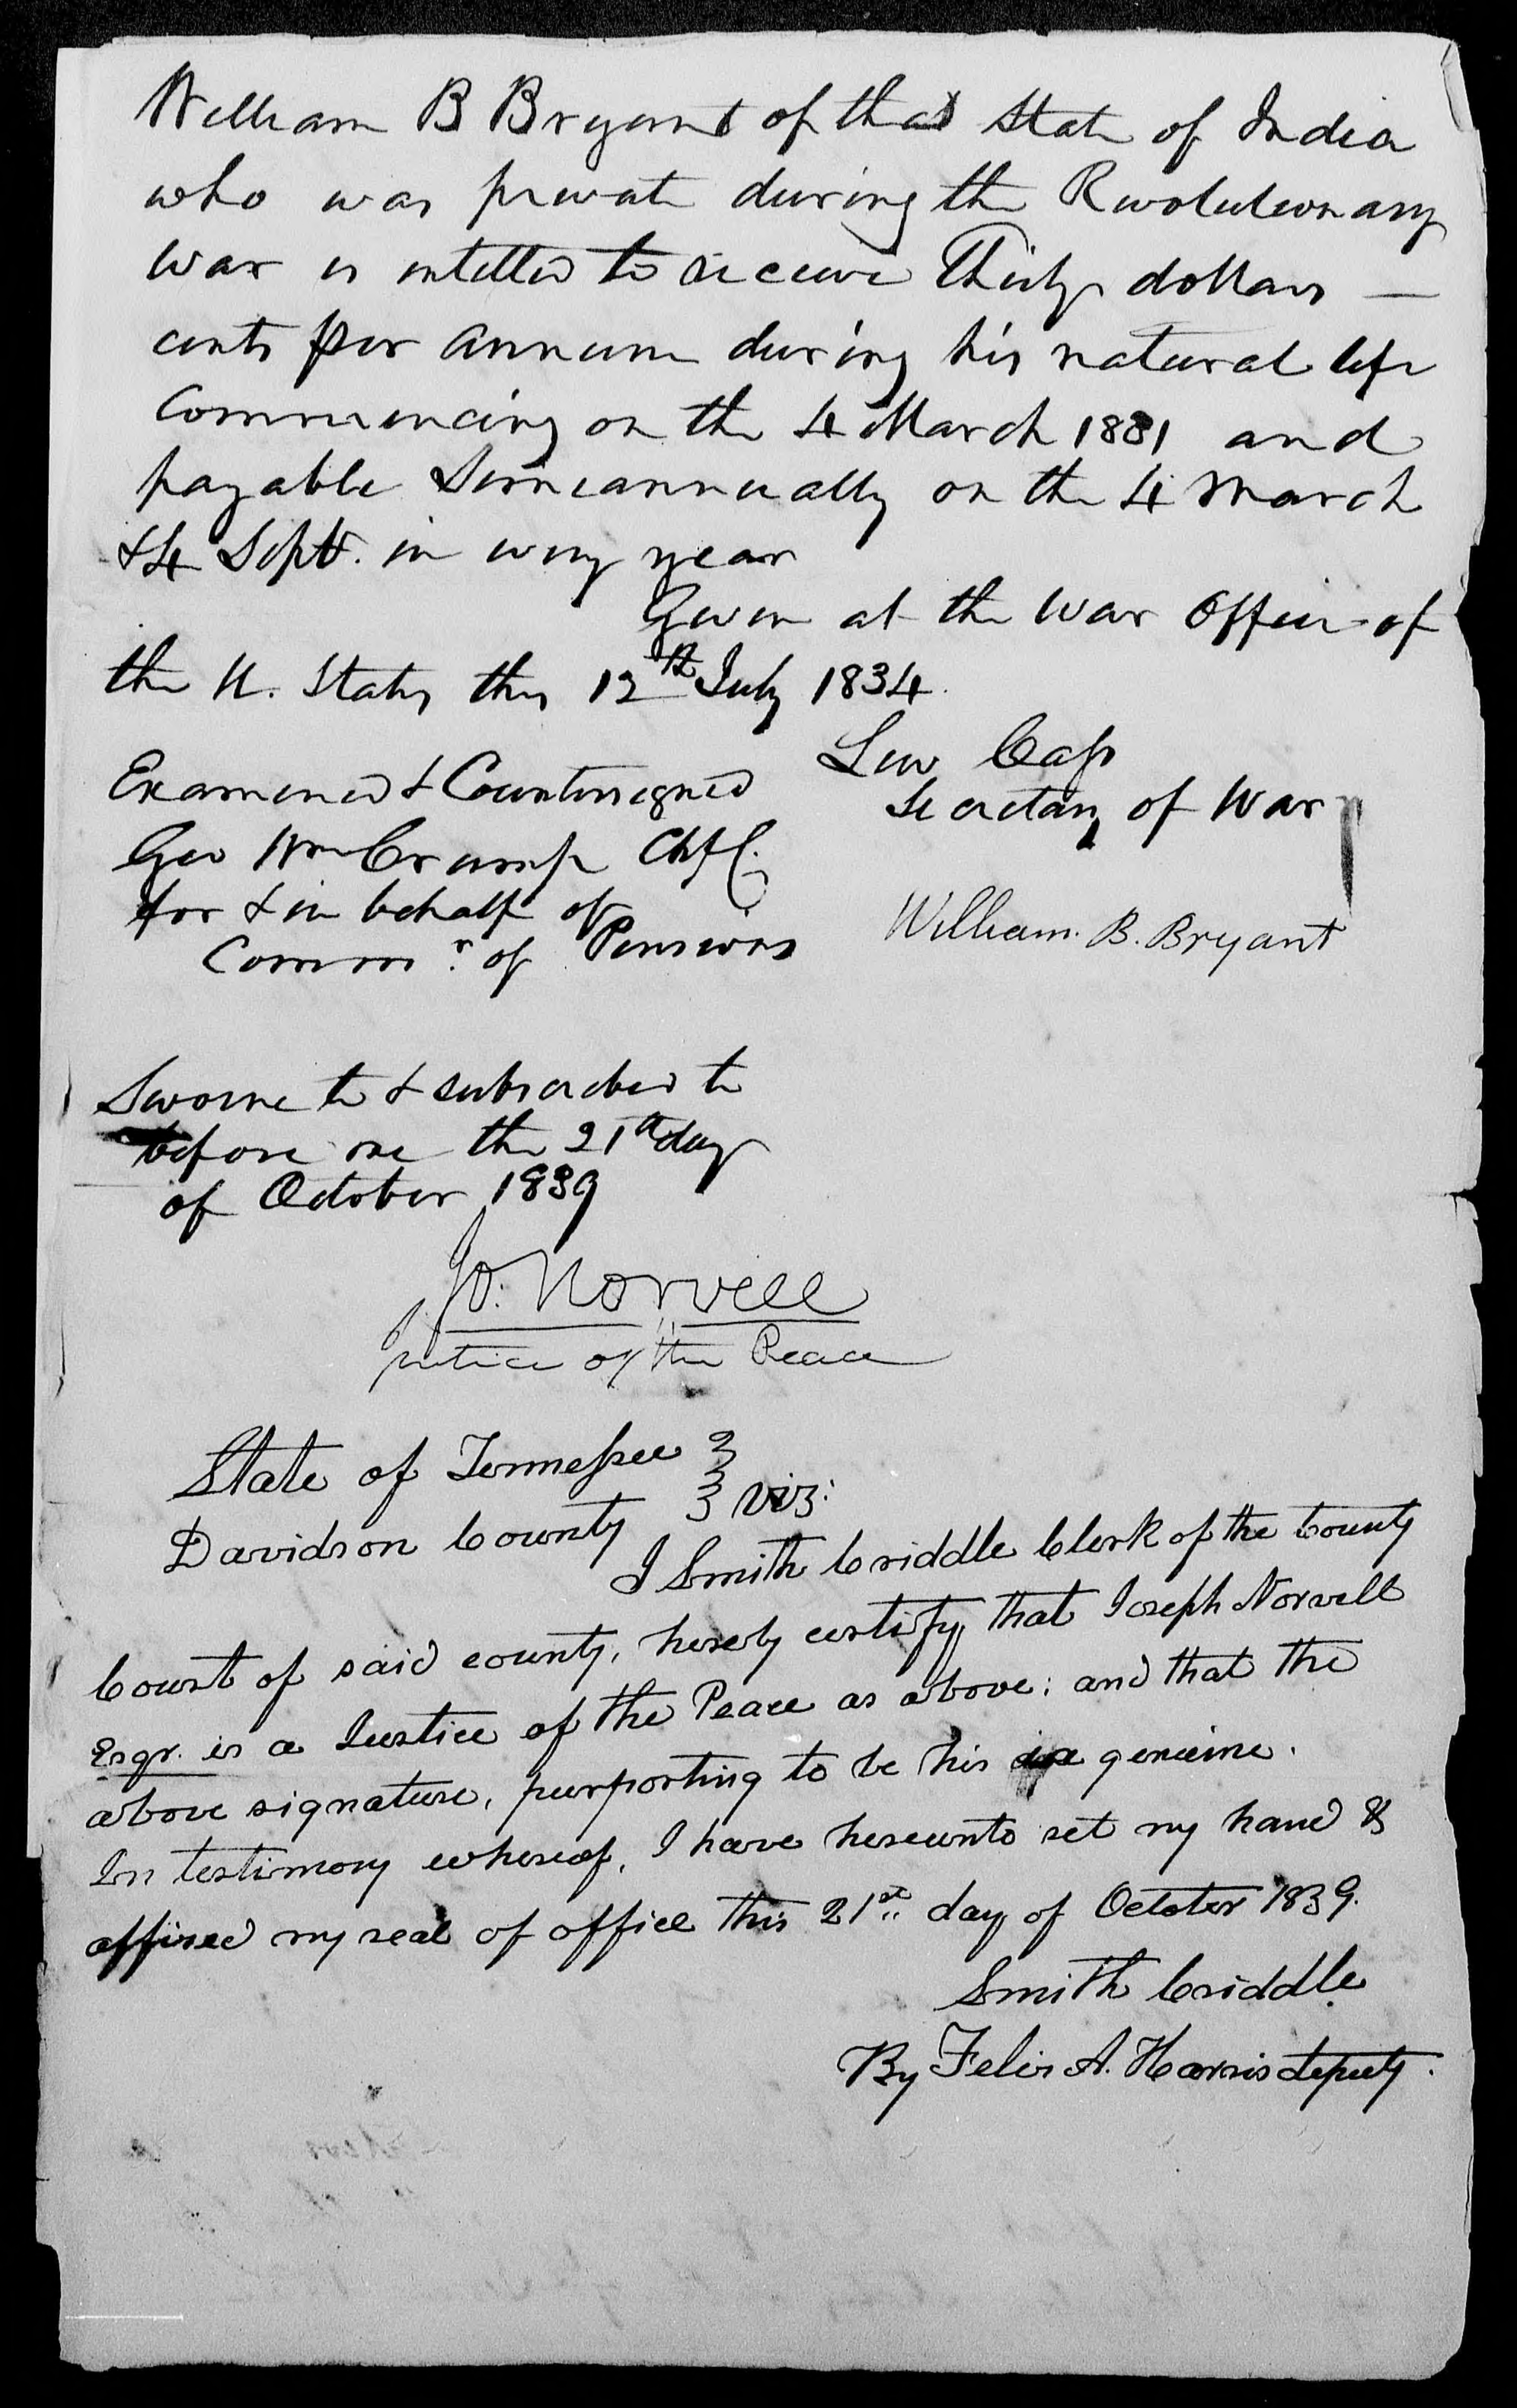William B. Bryant of that State of India who was private during the Revolutionary War is entitled to receive thirty dollars - cents per annum during his natural life commencing on the 4 March 1831 and payable semiannually on the 4 March & 4 Sept in every year.
Given at the War Office of the U. States this 12th July 1834
Lew Cass
Secretary of War
Examined & countersigned 
Gen. Wm Cramp Chf 
for & in behalf of Commr of Pensions
William B. Bryant

Sworn to and subscribed to before me the 21st day of October 1839
Jo. Novell
Justice of the Peace

State of Tennessee
Davidson County viz:
I Smith Criddle Clerk of the County Court of said county, hereby certify that Joseph Novell Esqr. is a Justice of the Peace as above;  and that the above signature, purporting to be his is genuine. 
In testimony whereof, I have hereunto set my hand & affixed my seal of office this 21st day of October 1839.
Smith Criddle
by Felix A. Harris deputy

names: Joseph Norvell, William B Bryant, Smith Criddle, Felix A Harris, Jo Norvell, Geo Wm Cramp, William B Bryant, Smith Criddle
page: 8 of 31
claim: survivor's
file: S. 3049, William G Bryant, Va.